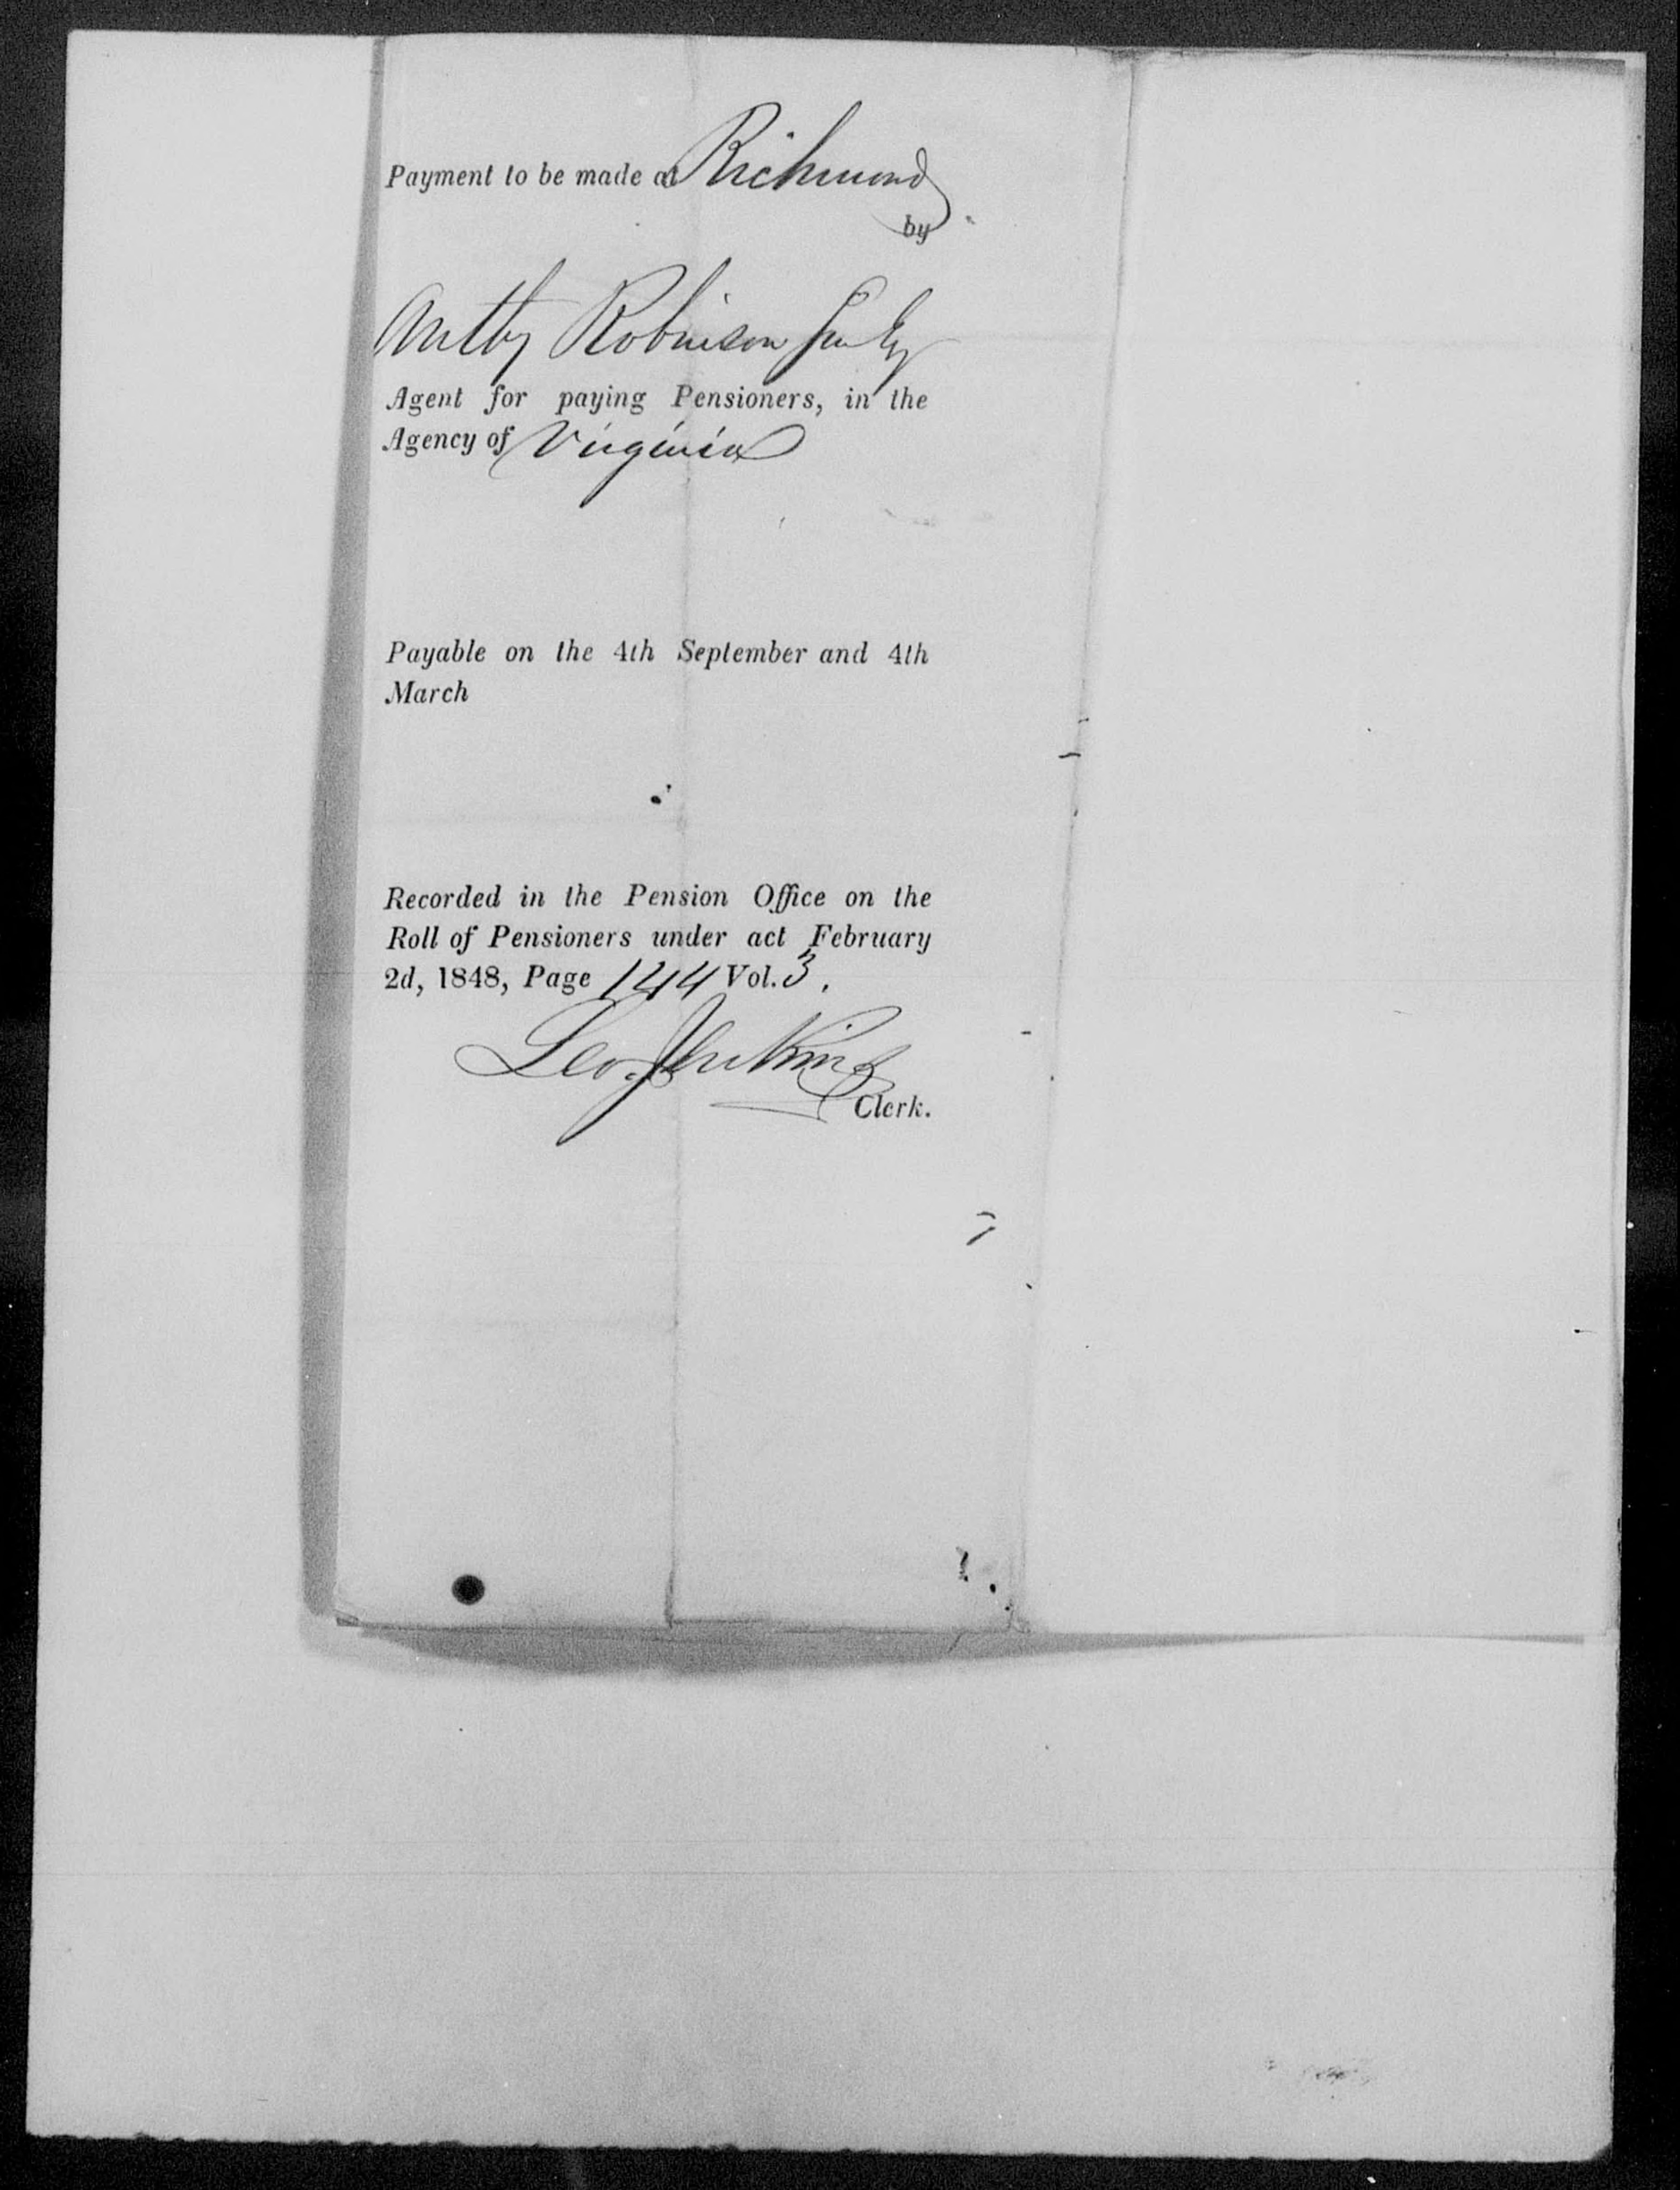Payment to be made at Richmond
by
Anthy Robinson July
Agent for paying Pensioners, in the Agency of Virginia 
Payable on the 4th September and 4th March

Recorded un the Pension Office on the Roll of Pensioners under act February 2d, 1848, Page 144 Vol. 3.
Leo Jenkins 
Clerk.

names: Anthy Robinson, Leo Jenkins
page: 219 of 267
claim: widow's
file: W. 4,149, William Campbell, Va.